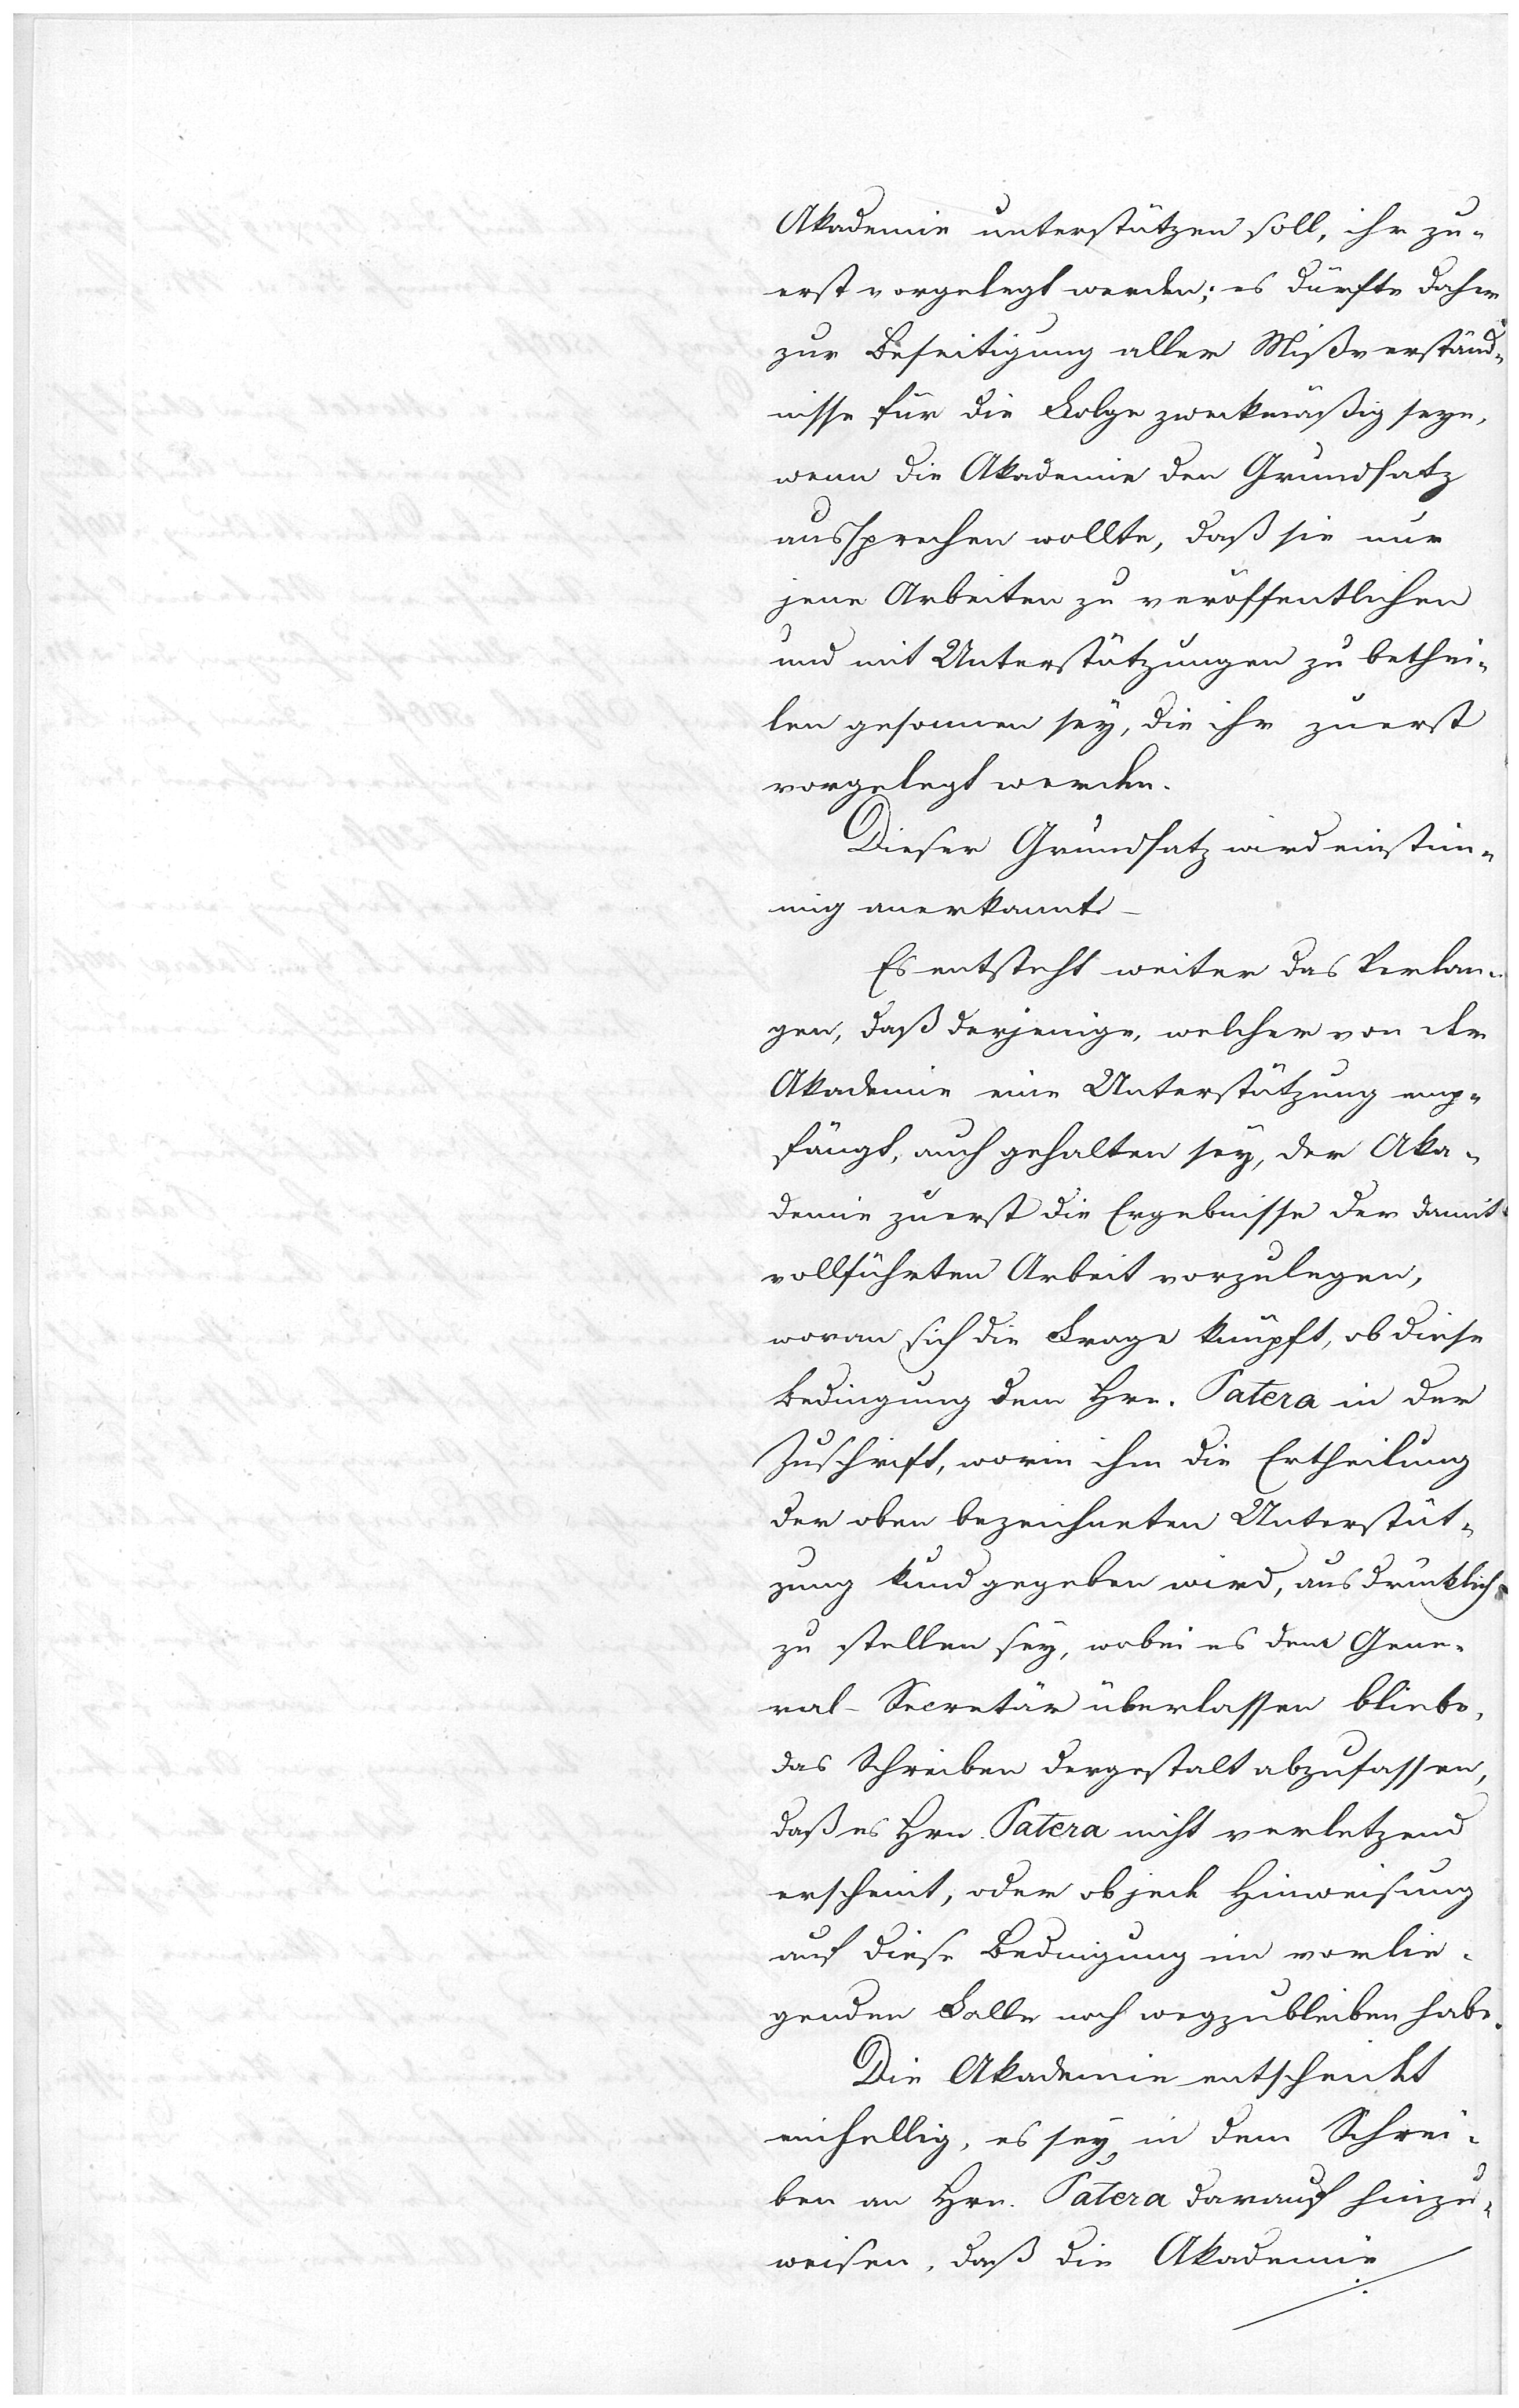Akademie unterstätzen soll, ihr zu-
erst vorgelegt werden; es dürfte daher
zur Beseitigung aller Mißverständ-
nisse für die Folge zweckmäßig seyn,
wenn die Akademie den Grundsatz
aussprechen wollte, daß sie nur
jene Arbeiten zu veröffentlichen
und mit Unterstützungen zu bethei-
len gesonnen sey, die ihre zuerst
vorgelegt werden.
Dieser Grundsatz wird einstim-
mig anerkannt.
Es entsteht weiter das Verlan-
gen, daß derjenige, welcher von der
Akademie eine Unterstützung emp-
fängt, auch gehalten sey, der Aka-
demie zuerst die Ergebisse der damit-
vollführten Arbeit vorzulegen,
woran sich die Frage knüpft, ob diese
Bedingung dem Hrn. Patera in der
Zuschrift, worin ihm die Ertheilung
der oben bezeichneten Unterstüt-
zung kundgegeben wird, ausdrücklich
zu stellen sey, wobei es dem Gene-
ral-Secretär überlassen bliebe,
das Schreiben dergestalt abzufassen,
daß es Hrn. Patera nicht verletzend
erscheint, oder ob jede Hinweisung
auf diese Bedingung im vorlie-
genden Falle noch wegzubleiben habe.
Die Akademie entscheidet
einhellig, es sey in dem Schrei-
ben an Hrn. Patera darauf hinzu-
weisen, daß die Akademie